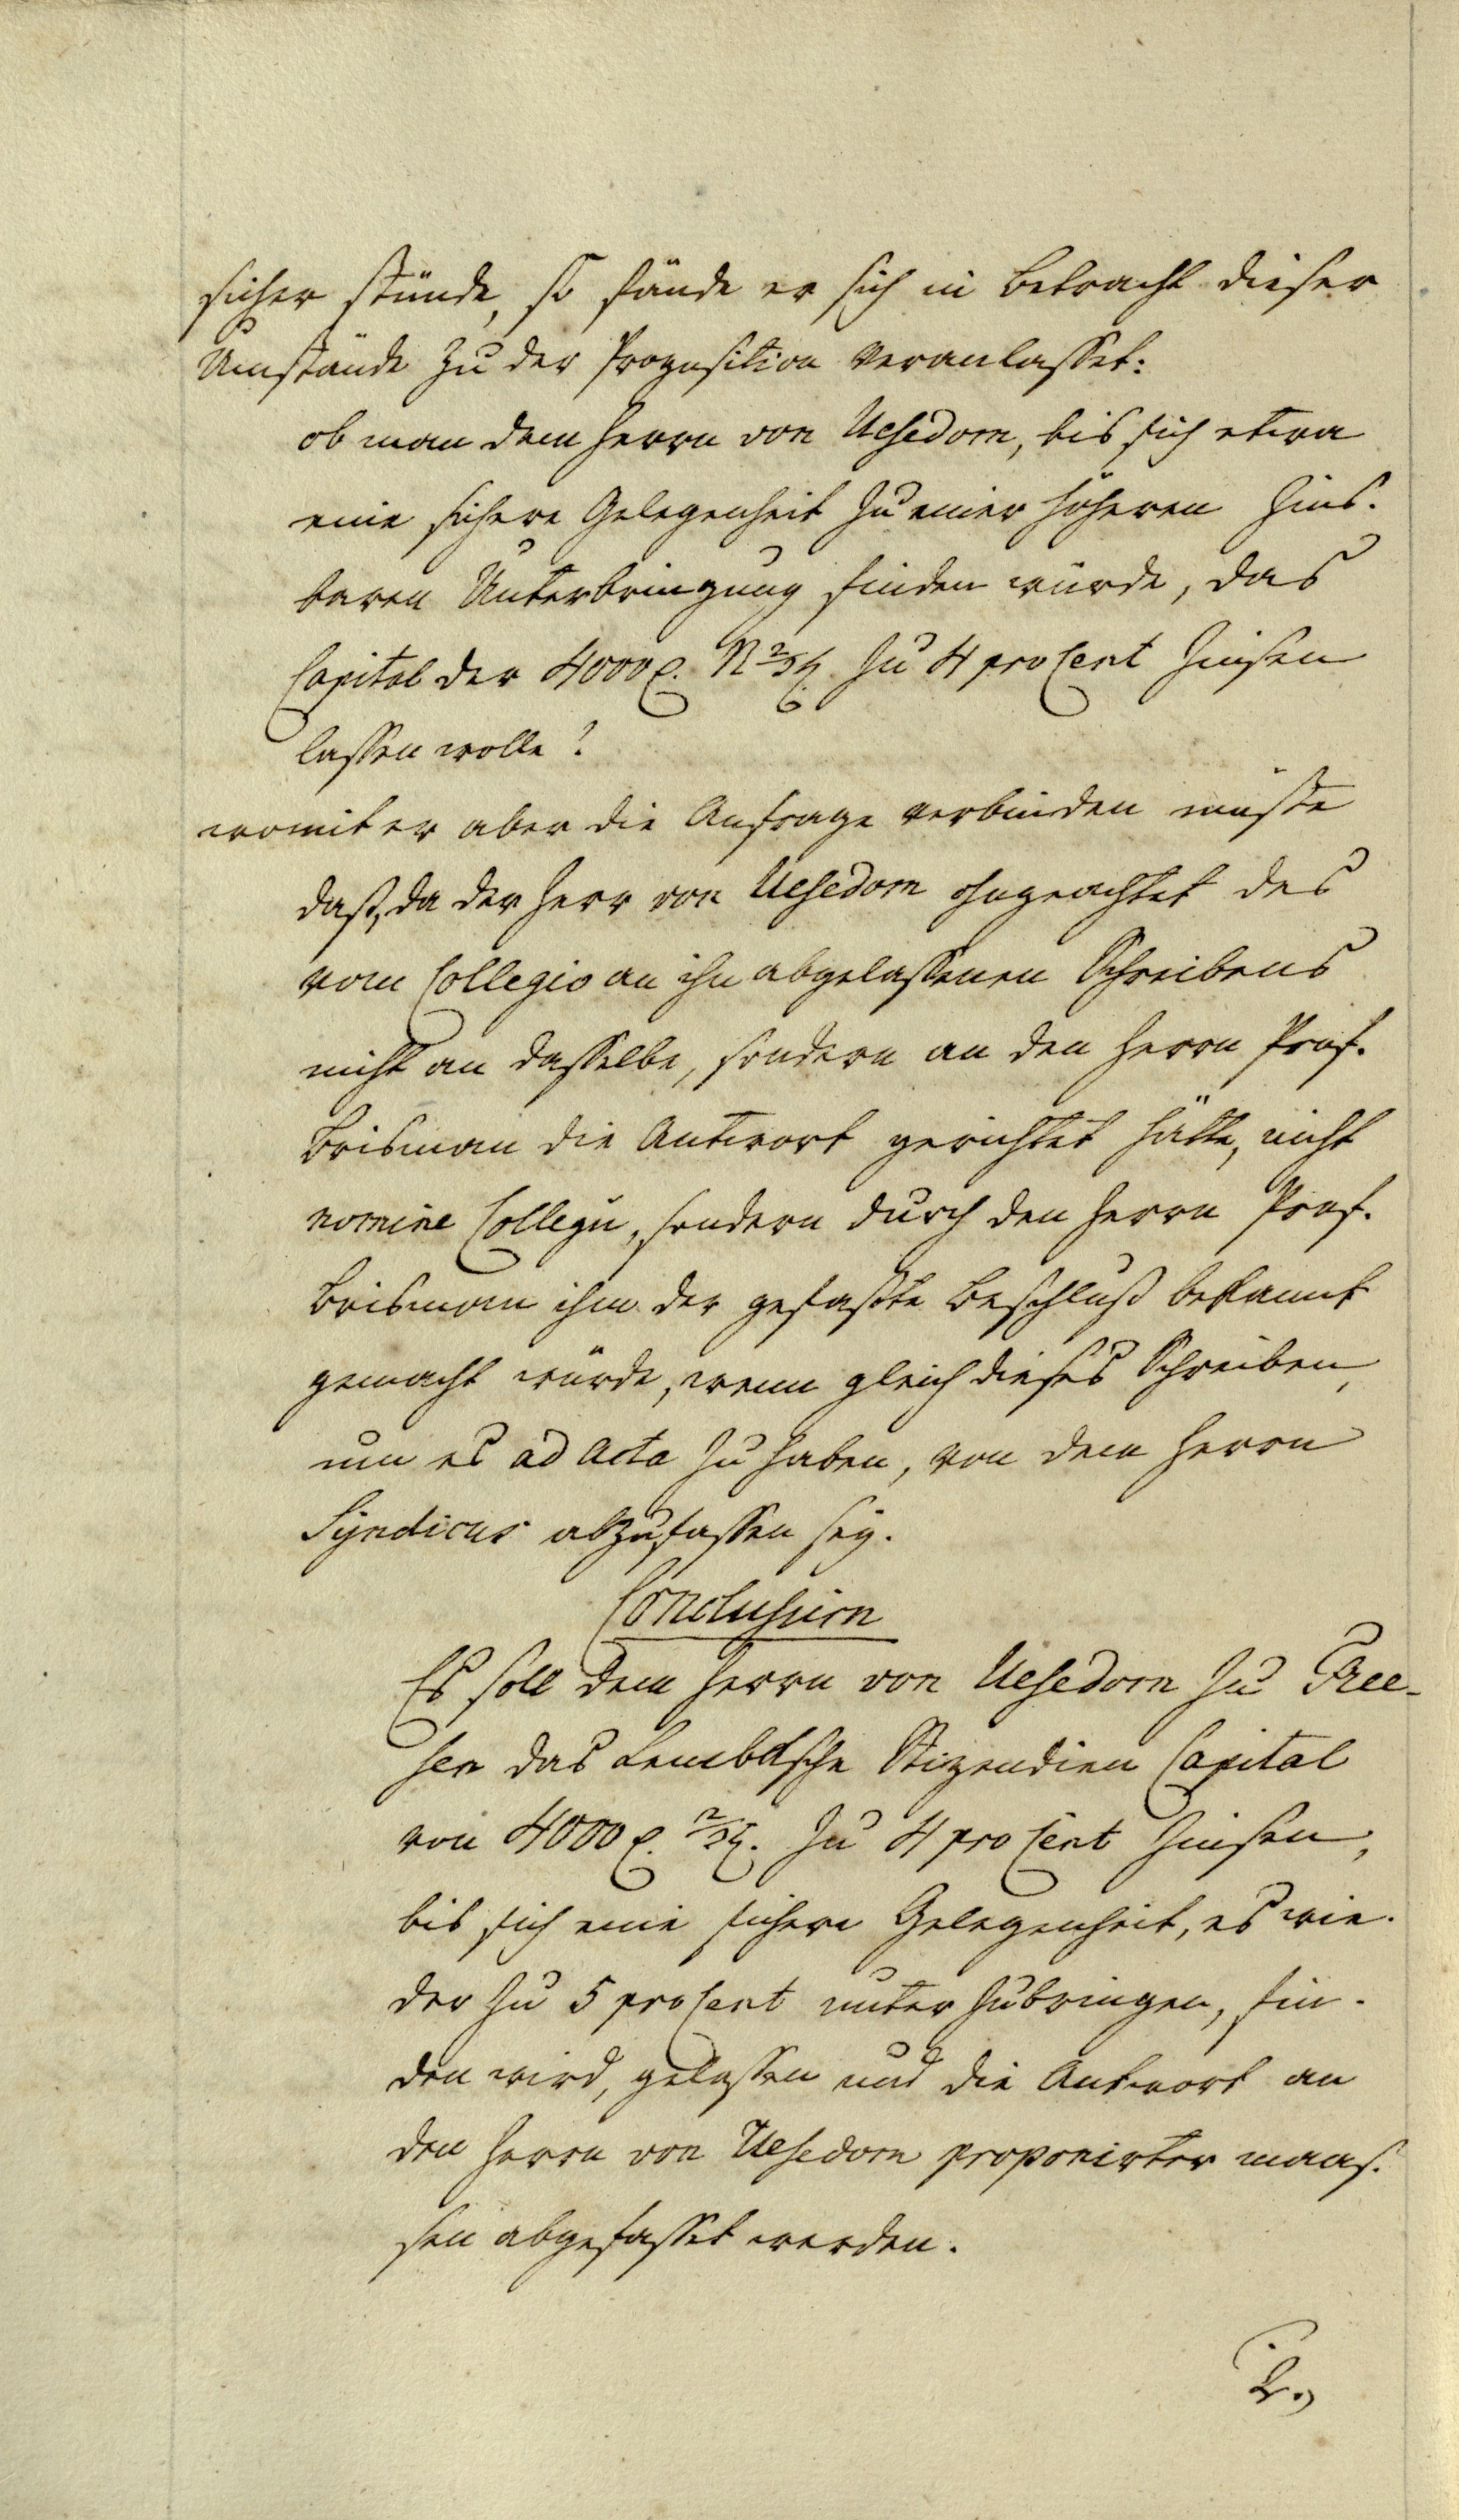sicher stünde, so fände er sich in Betracht dieser
Umstände zu der Proposition veranlasset:
ob man dem Herrn von Uesedom, bis sich etwa
eine sichere Gelegenheit zu einer höheren Zins¬
baren Unterbringung finden würde, das
Capital der 4000 l. N ¾ h. zu 4 pro Cent Zinsen
lassen wolle?
womit er aber die Anfrage verbinden müßte
daß, da der Herr von Uesedom ohngeachtet des
vom Collegio an ihn abgelassenen Schreibens
nicht an dasselbe, sondern an den Herrn Prof.
Brisman die Antwort gerichtet hätte, nicht
nomine Collegii, sondern durch den Herrn Prof.
Brisman ihm der gefaßte Beschluß bekannt
gemacht würde, wenn gleich dieses Schreiben,
um es ad Acta zu haben, von dem Herrn
Sÿndicus abzufassen seÿ.
Conclusum
Es soll dem Herrn von Uesedom zu Free¬
sen das Lembksche Stipendien Capital
von 4000 l., ¾ h. zu 4 pro Cent Zinsen,
bis sich eine sichere Gelegenheit, es wie¬
der zu 5 pro cent unter zubringen, fin¬
den wird, gelassen und die Antwort an
den Herrn von Uesedom proponirter maas¬
sen abgefasset werden.
2.,